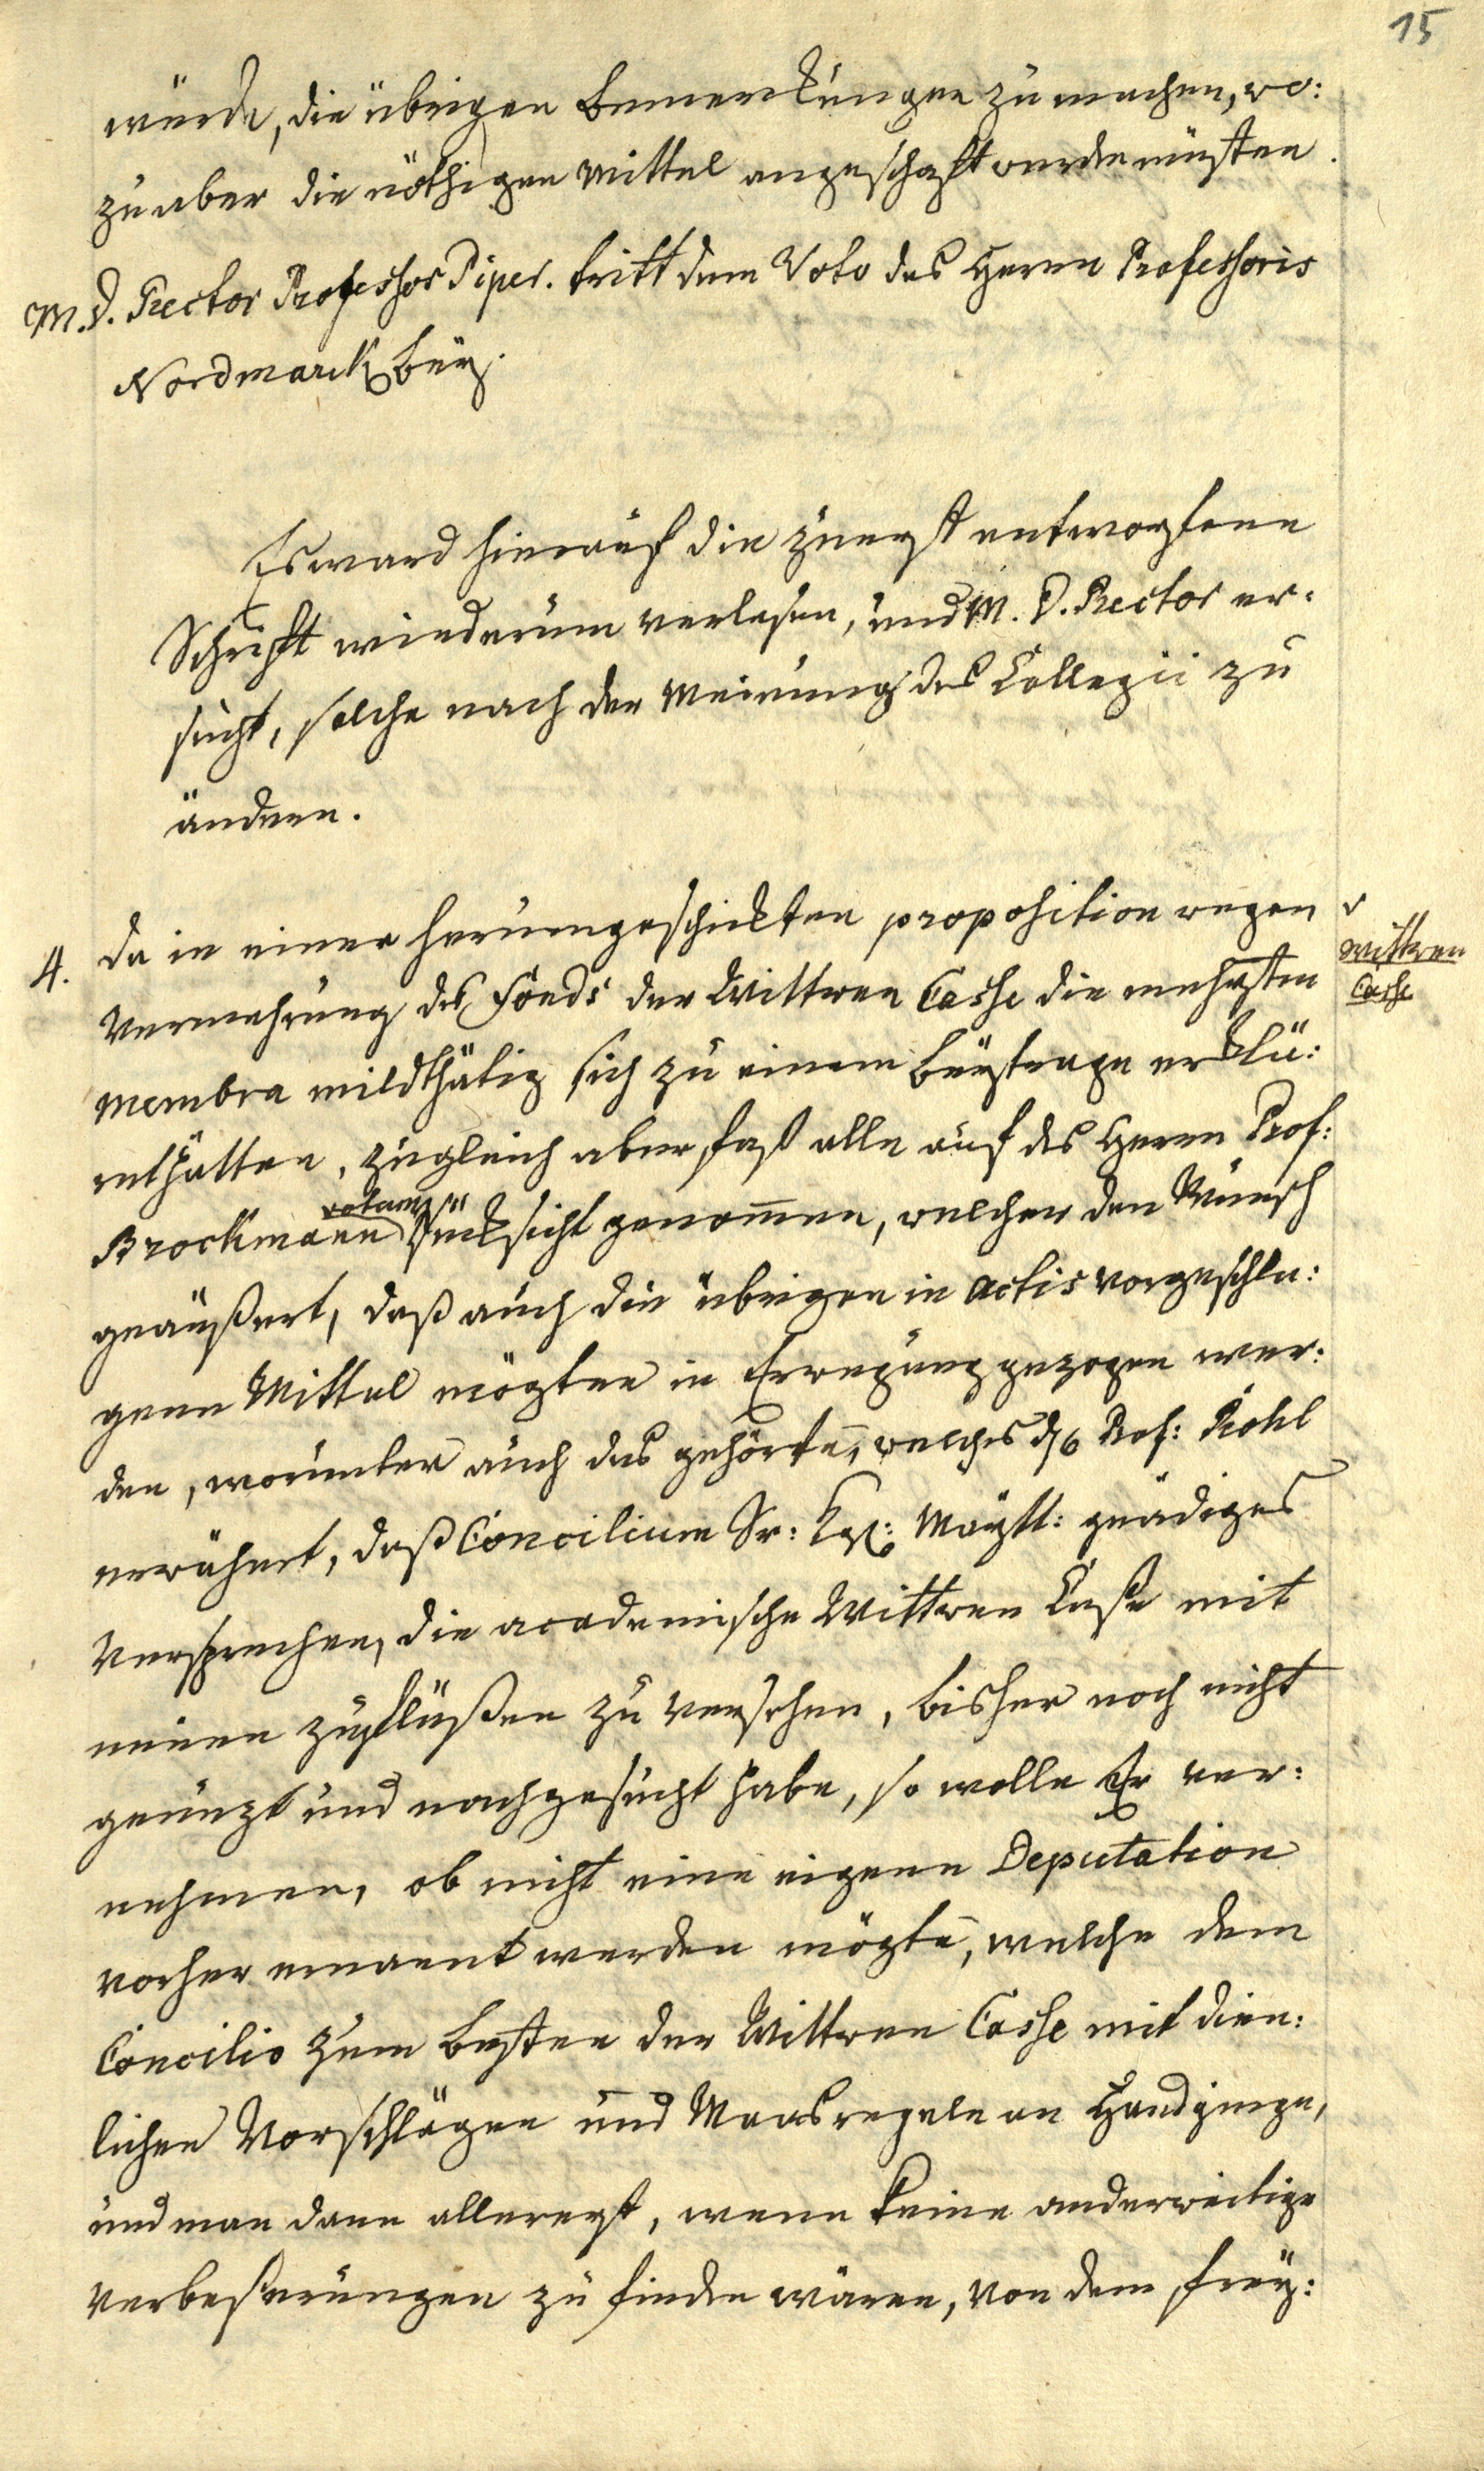würde, die übrigen Bemerckungen zu machen, wo¬
zu aber die nöthigen Mittel angeschaft werden müsten.
M. D. Rector Professor Piper. tritt dem Voto das Herrn Professoris
Nordmarck beÿ.
Es ward hierauf die zuerst entworfene
Schrift wiederum verlesen, und M. D. Rector er¬
sucht, solche nach der Meinung des Collegii zu
ändern.
4. Da in einer herumgeschickten proposition wegen
Vermehrung des Fonds der Wittwen Casse die mehrsten
Membra mildthätig sich zu einem Beÿtrage erklä¬
ret hätten, zugleich aber fast alle auf des Herrn Prof.
Brockmann votum Rücksicht genomen, welcher den Wunsch
geäußert, daß auch die übrigen in Actis vorgeschla¬
gene Mittel mögten in Erwegung gezogen wer¬
den, worunter auch des gehörte, welches dh Prof. Röhl
erwähnet, daß Concilium Sr. Kgl. Maÿtt. gnädiges
Versprechen, die academische Wittwen Caße mit
neuen zuflüßen zu versehen, bisher noch nicht
genüzt und nachgesucht habe, so wolle Er ver¬
nehmen, ob nicht eine eigene Deputation
vorher ernannt werden mögte, welche dem
Concilio zum Besten der Wittwen Casse mit dien¬
lichen Vorschlägen und Maasregeln an Hand ginge,
und man dann allererst, wenn keine anderweitige
Verbesserungen zu finden wären, von dem freÿ¬